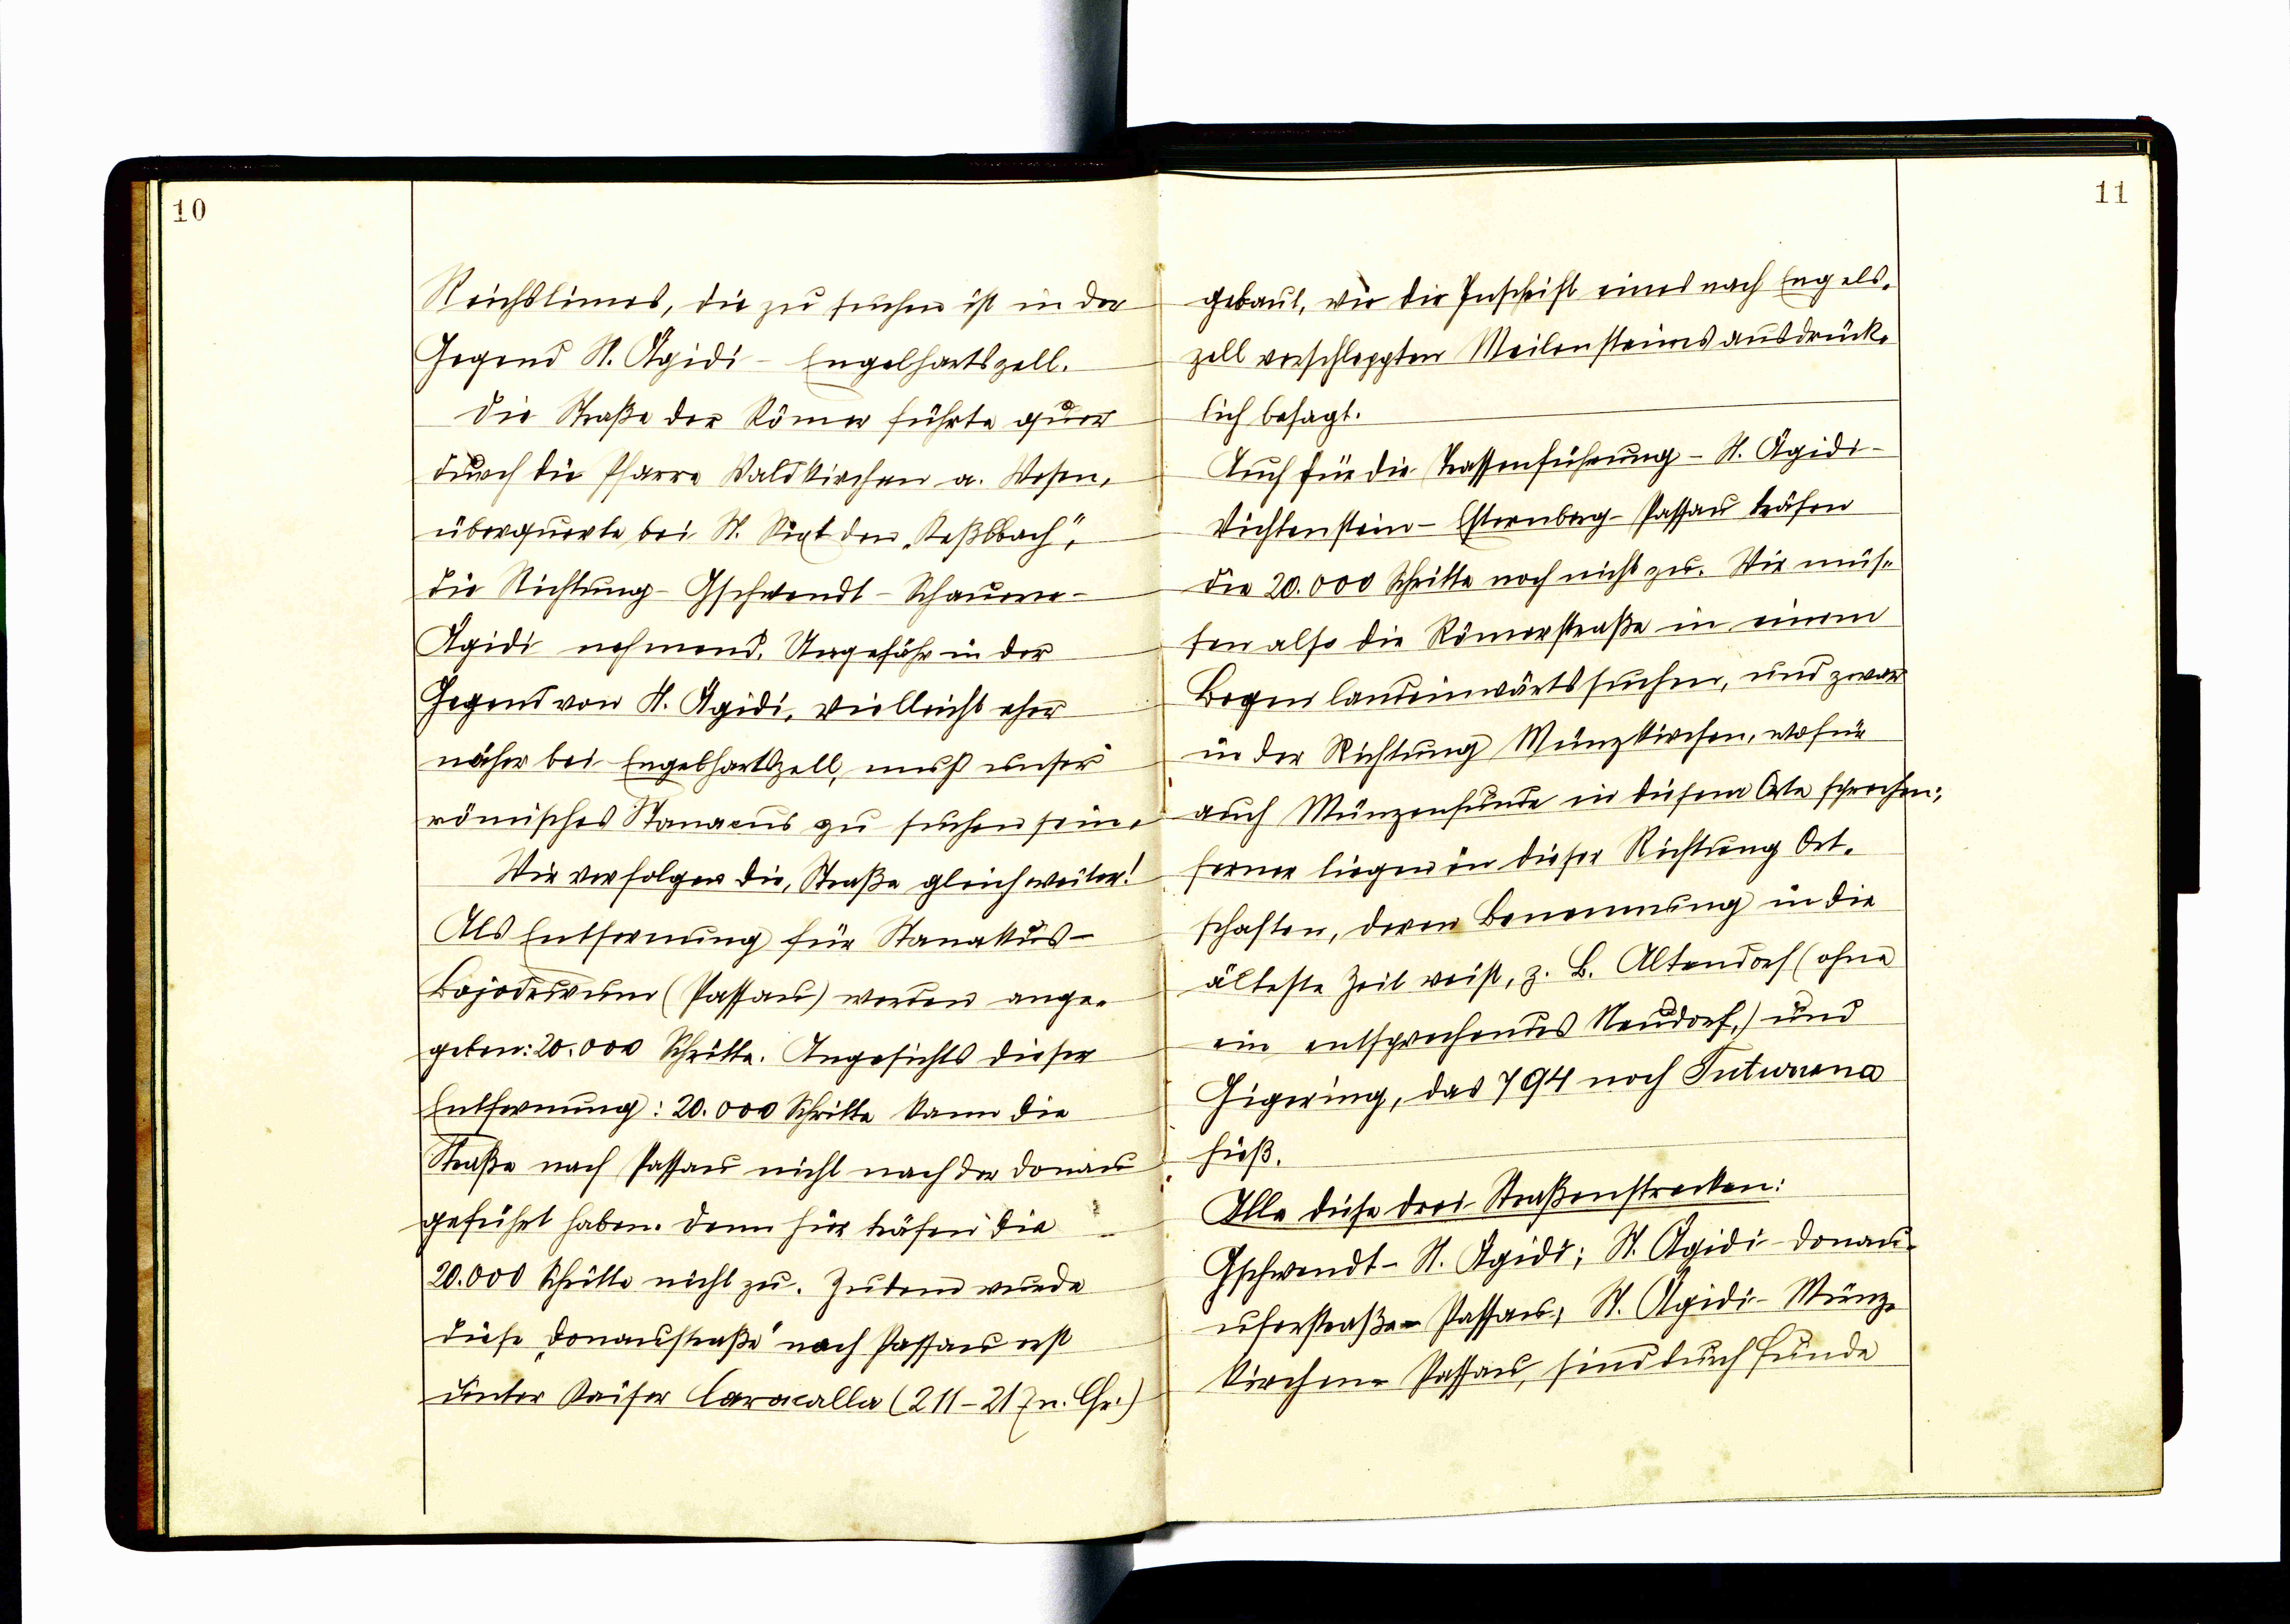Reichslimes, die zu suchen ist in der
Gegend St. Ägidi – Engelhartszell.
Die Straße der Römer führte quer
durch die Pfarre Waldkirchen a. Wesen,
überquerte bei St. Sixt den „Keßlbach“,
die Richtung Gschwendt – Schauern -
Ägidi nehmend. Ungefähr in der
Gegend von St. Ägidi, vielleicht eher
näher bei Engelhartszell, muß unser
römisches Stanacus zu suchen sein.
Wir verfolgen die Straße gleich weiter!
Als Entfernung für Stanakus-
Bojod??? (Passau) werden ange-
geben: 20.000 Schritte. Angesichts dieser
Entfernung: 20.000 Schritte kam die
Straße nach Passau nicht nach der Donau
geführt haben. Denn hier träfen die
20.000 Schritte nicht zu. Zudem wurde
diese „Donaustraße“ nach Passau erst
unter Kaiser Caracalla (211 – 217 n.Chr.)
gebaut, wie die Inschrift eines nach Engels-
zell verschleppten Meilensteines ausdrück-
lich besagt.
Auch für die Trassenführung – St.Aegidi -
Vichtenstein – Esternberg – Passau träfen
die 20.000 Schritte noch nicht zu. Wir müs-
sen also die Römerstraße in einem
Bogen landeinwärts suchen, und zwar
in der Richtung Münzkirchen, wofür
auch Münzenfunde in diesem Orte sprechen;
ferner liegen in dieser Richtung Ort-
schaften, deren Benennung in die
älteste Zeit weist, z.B. Altendorf (ohne
ein entsprechendes Neudorf,) und
Gigering, das 794 noch ???
hieß.
Alle diese drei Straßenstrecken:
Gschwendt – St.Ägidi; St. Ägidi – Donau-
uferstraße – Passau, St. Ägidi – Münz-
kirchen – Passau, sind durch Funde